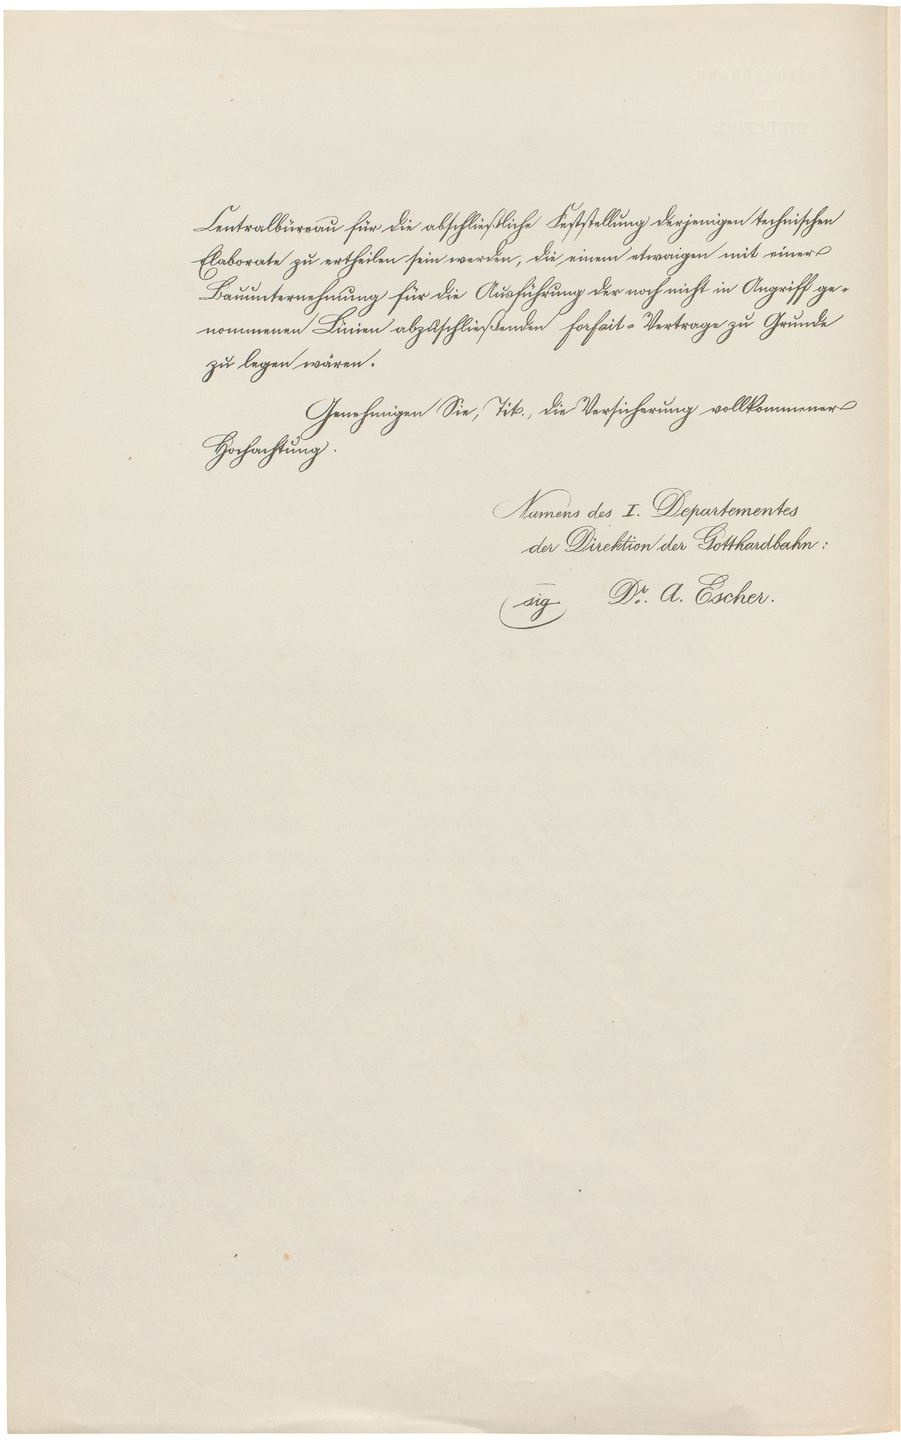Centralbüreau für die abschließliche Feststellung derjenigen technischen
Elaborate zu ertheilen sein werden, die einem etwaigen mit einer
Bauunternehmung für die Ausführung der noch nicht in Angriff ge-
nommenen Linien abzuschließenden forfait-Vertrage zu Grunde
zu legen wären.
Genehmigen Sie, Tit., die Versicherung vollkommener
Hochachtung.
Namens des I. Departementes
der Direktion der Gotthardbahn:
sig Dr A. Escher.